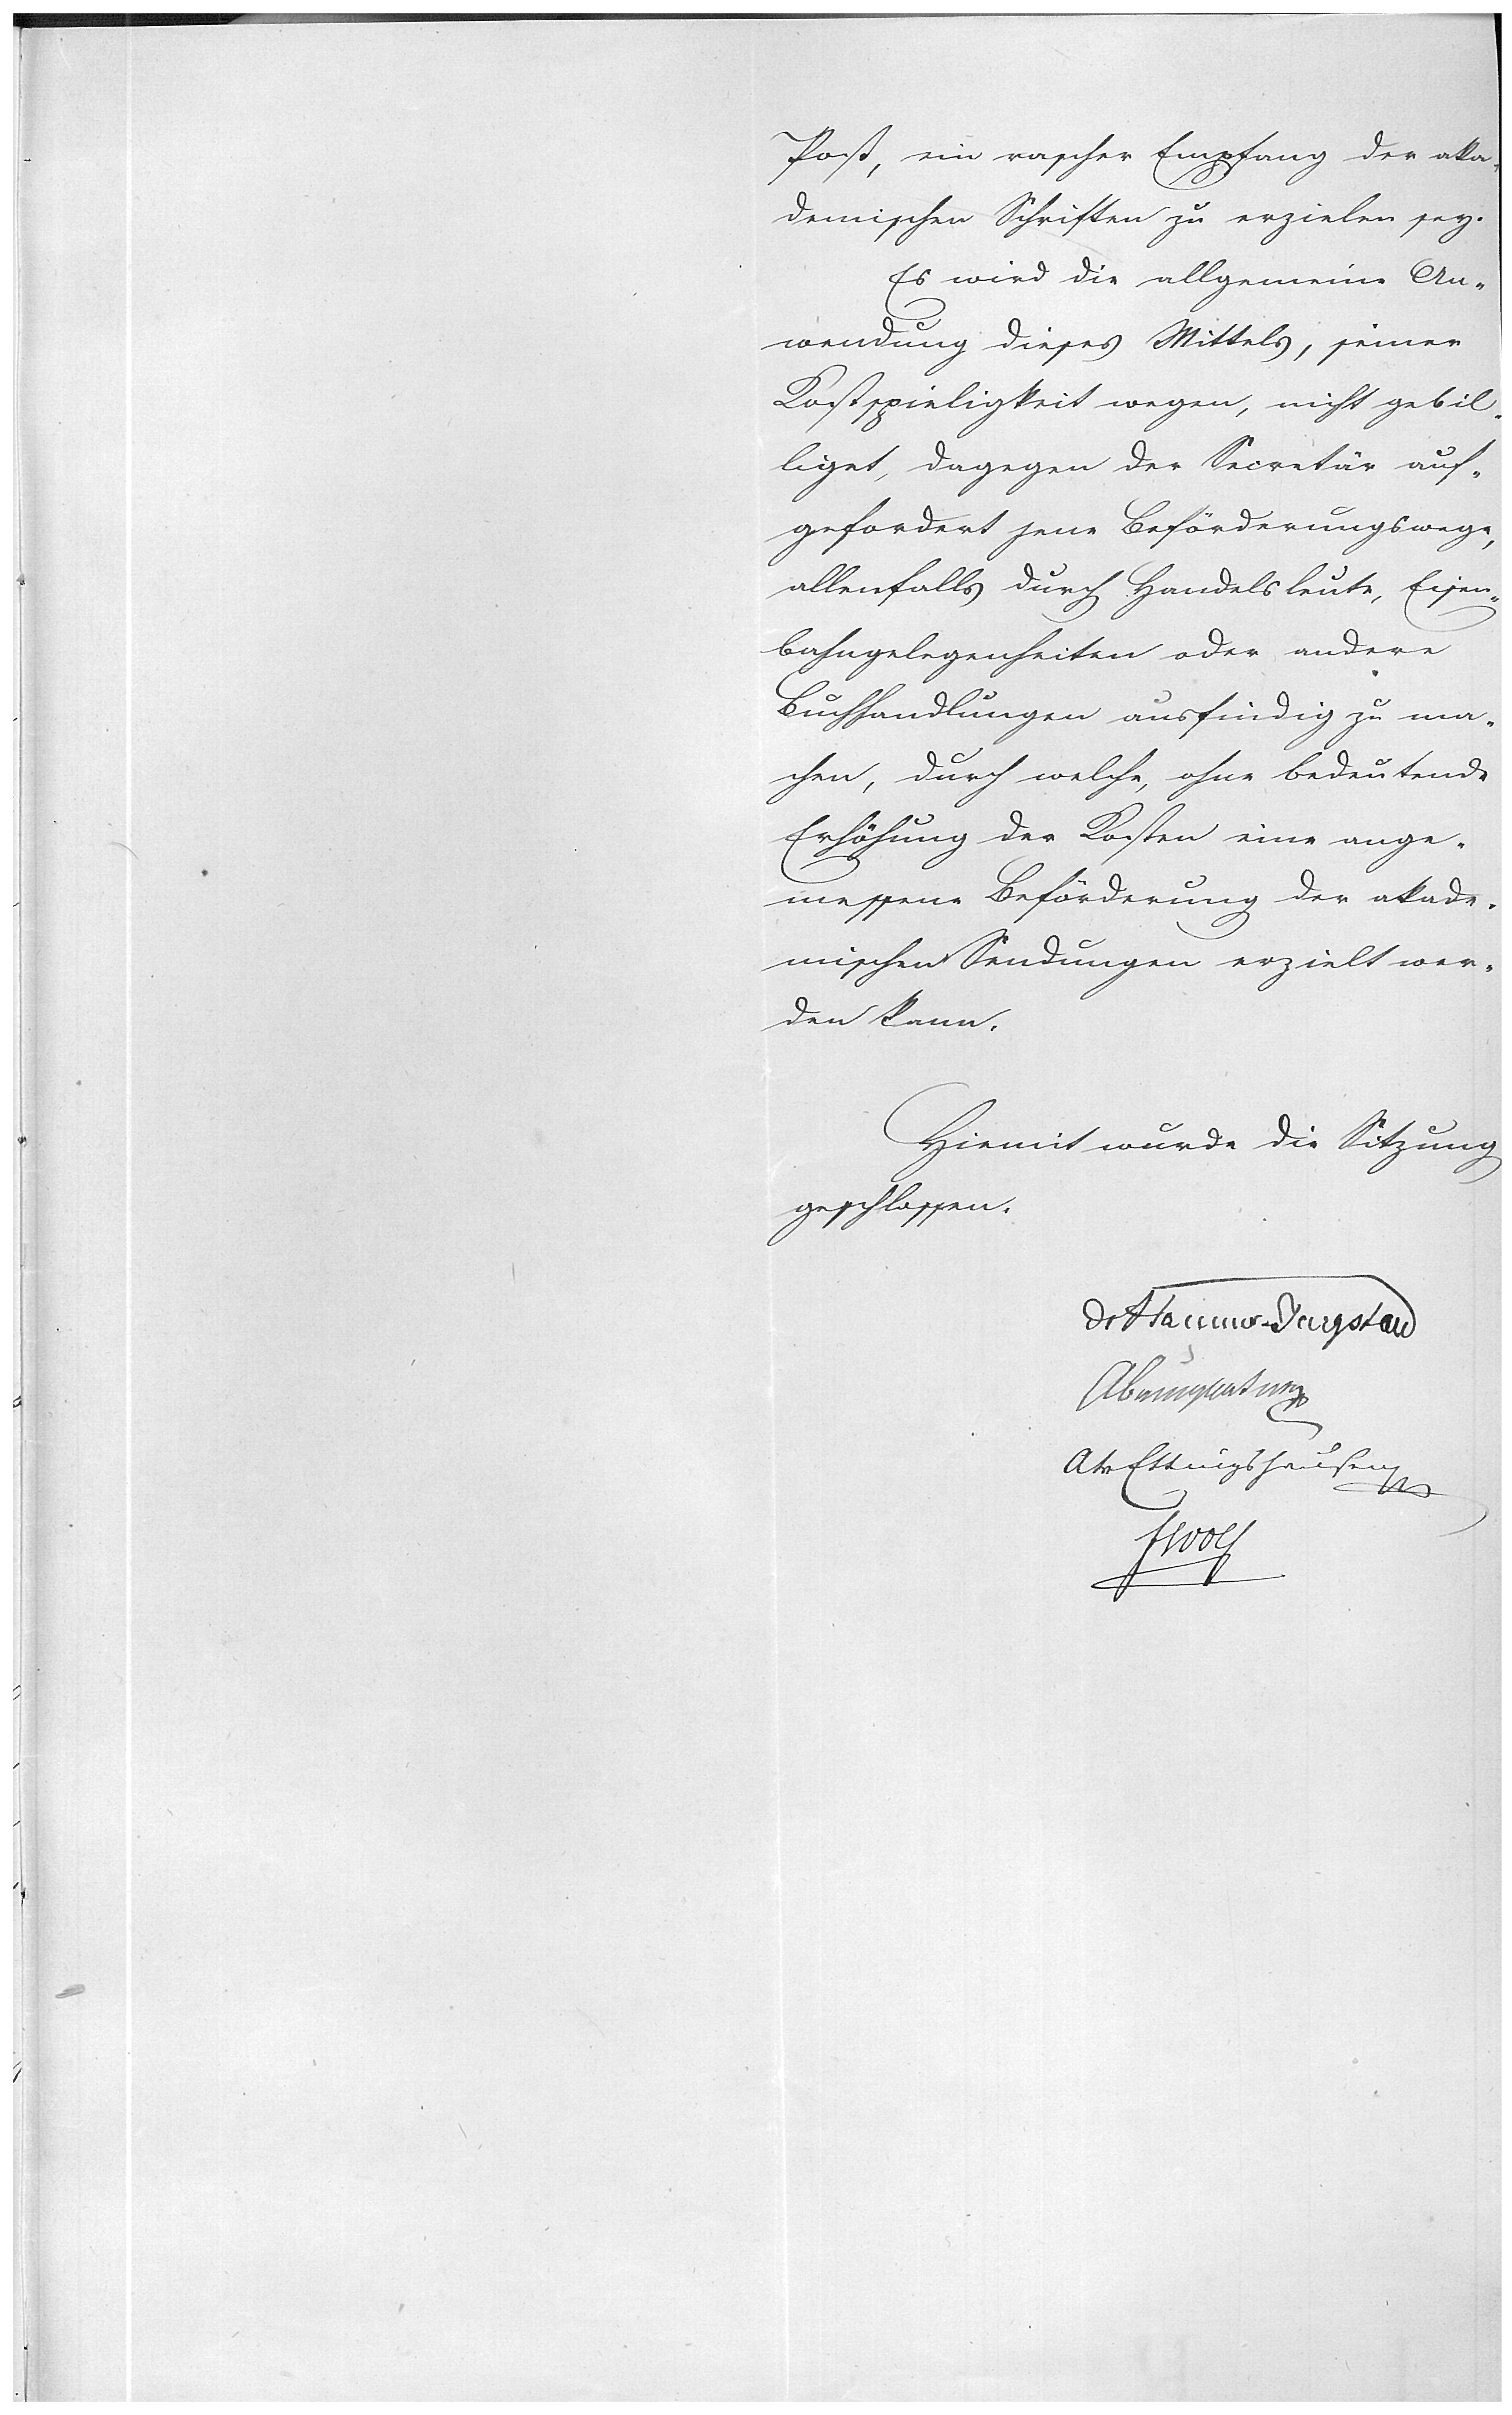Post, ein rascher Empfang der aka-
demischen Schriften zu erzielen sey.
Es wird die allgemeine An-
wendung dieses Mittel, seiner
Kostspieligkeit wegen, nicht gebil-
liget, dagegen der Secretär auf-
gefordert jene Beförderungswege,
allenfall durch Handelsleute, Eisen-
bahngelegenheiten oder andere
Buchhandlungen ausfindig zu ma-
chen, durch welche, ohne bedeutende
Erhöhung der Kosten eine ange-
messene Beförderung der akade-
mischen Sendungen erzielt wer-
den kann.
Hiemit wurde die Sitzung
geschlossen.
DrHammer-Purgstall
ABaumgartner
AvEttingshausen
FWolf